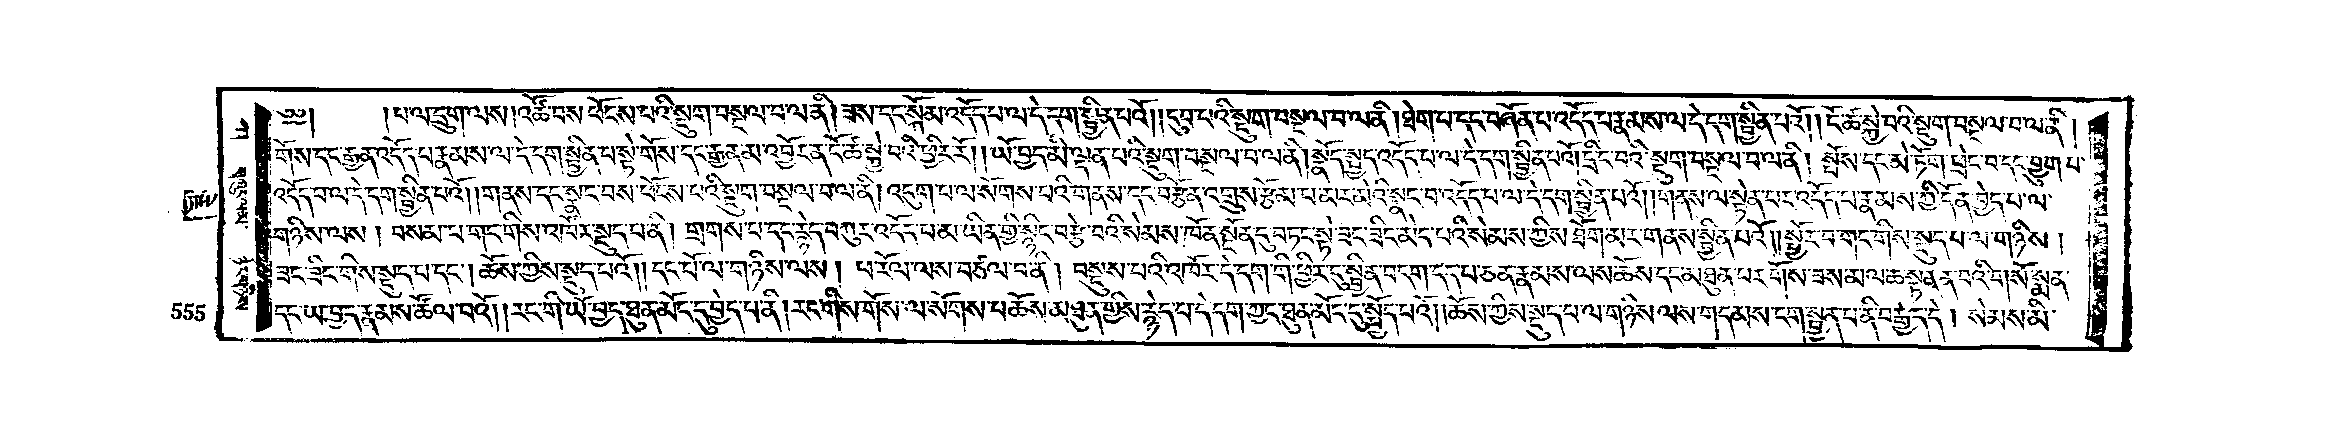༄༅། །པ་ལ་དྲུག་ལས། འཚོ་བས་ཕོངས་པའི་སྡུག་བསྔལ་བ་ལ་ནི། ཟས་དང་སྐོམ་འདོད་པ་ལ་དེ་དག་སྦྱིན་པའོ། །དུབ་པའི་སྡུག་བསྔལ་བ་ལ་ནི། ཐེག་པ་དང་བཞོན་པ་འདོད་པ་རྣམས་ལ་དེ་དག་སྦྱིན་པའོ། །ངོ་ཚ་སྐྱེ་བའི་སྡུག་བསྔལ་བ་ལ་ནི།
གོས་དང་རྒྱན་འདོད་པ་རྣམས་ལ་དེ་དག་སྦྱིན་པ་སྟེ་གོས་དང་རྒྱན་མ་འབྱོར་ན་ངོ་ཚ་སྐྱེ་བའི་ཕྱིར་རོ། །ཡོ་བྱད་མི་ལྡན་པའི་སྡུག་བསྔལ་བ་ལ་ནི། སྣོད་སྤྱད་འདོད་པ་ལ་དེ་དག་སྦྱིན་པའོ། དྲི་ང་བའི་སྡུག་བསྔལ་བ་ལ་ནི། སྤོས་དང་མེ་ཏོག་ཕྲེང་བ་དང་བྱུག་པ་
འདོད་པ་ལ་དེ་དག་སྦྱིན་པའོ། །གནས་དང་སྣང་བས་ཕོངས་པའི་སྡུག་བསྔལ་བ་ལ་ནི། འདུག་པ་ལ་སོགས་པའི་གནས་དང་བརྩོན་འགྲུས་རྩོམ་པ་མར་མེའི་སྣང་བ་འདོད་པ་ལ་དེ་དག་སྦྱིན་པའོ། །གནས་ལ་སྟེན་པར་འདོད་པ་རྣམས་ཀྱི་དོན་བྱེད་པ་ལ་
གཉིས་ལས། བསམ་པ་གང་གིས་འཁོར་སྡུད་པ་ནི། གྲགས་པ་དང་རྙེད་བཀུར་འདོད་པ་མ་ཡིན་གྱི་སྙིང་བརྩེ་བའི་སེམས་ཁོ་ན་སྔོན་དུ་བཏང་སྟེ་ཟང་ཟིང་མེད་པའི་སེམས་ཀྱིས་ཐོག་མར་གནས་སྦྱིན་པའོ། །སྦྱོར་བ་གང་གིས་སྡུད་པ་ལ་གཉིས།
ཟང་ཟིང་གིས་སྡུད་པ་དང་། ཆོས་ཀྱིས་སྡུད་པའོ། །དང་པོ་ལ་གཉིས་ལས། ཕ་རོལ་ལས་བཙལ་བ་ནི། བསྡུས་པའི་འཁོར་དེ་དག་གི་ཕྱིར་དུ་སྦྱིན་བདག་དད་པ་ཅན་རྣམས་ལས་ཆོས་དང་མཐུན་པར་གོས་ཟས་མལ་ཆ་སྟན་ན་བའི་གསོ་སྨན་
དང་ཡ་བྱད་རྣམས་ཚོལ་བའོ། །རང་གི་ཡོ་བྱད་ཐུན་མོང་དུ་བྱེད་པ་ནི། རང་གིས་གོས་ལ་སོགས་པ་ཆོས་མཐུན་གྱིས་རྙེད་པ་དེ་དག་ཀྱང་ཐུན་མོང་དུ་སྤྱོད་པའོ། །ཆོས་ཀྱིས་སྡུད་པ་ལ་གཉིས་ལས་གདམས་ངག་སྦྱིན་པ་ནི་བརྒྱད་དེ། སེམས་མི་